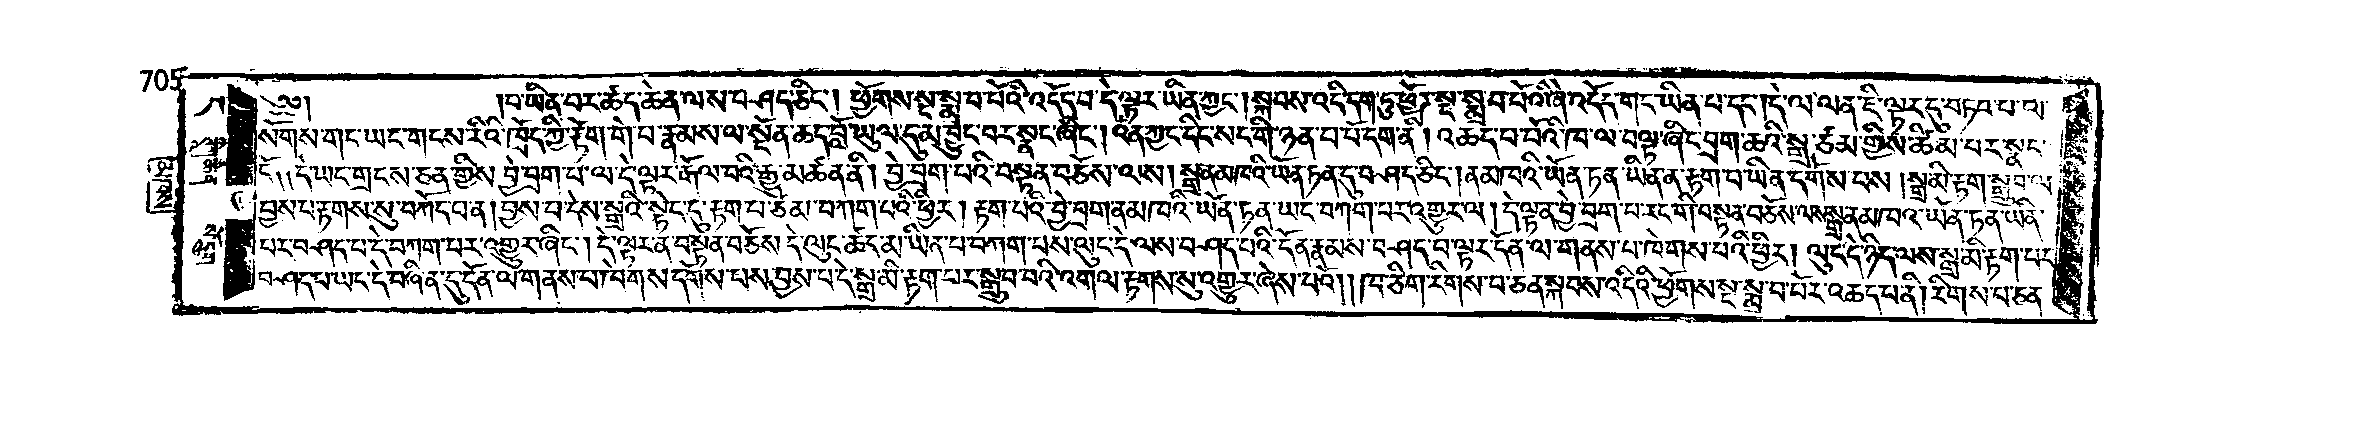༄༅། །བ་ཡིན་པར་ཚད་ཆེན་ལས་བཤད་ཅིང་། ཕྱོགས་སྔ་སྨྲ་བ་པོའི་འདོད་པ་དེ་ལྟར་ཡིན་ཀྱང་། སྐབས་འདི་དག་ཏུ་ཕྱོགས་སྔ་སྨྲ་བ་པོའི་ཞེ་འདོད་གང་ཡིན་པ་དང་། དེ་ལ་ལན་ཇི་ལྟར་དུ་བཏབ་པ་ལ་
སོགས་གང་ཡང་གངས་རིའི་ཁྲོད་ཀྱི་རྟོག་གེ་བ་རྣམས་ལ་སྔོན་ཅད་བློ་ཡུལ་དུ་མ་བྱུང་བར་སྣང་ཞིང་། འོན་ཀྱང་དིང་སང་གི་ཉན་པ་པོ་དག་ནི། འཆད་པ་པོའི་ཁ་ལ་བལྟ་ཞིང་བྲག་ཆའི་སྒྲ་ཙམ་གྱིས་ཚིམ་པར་སྣང་
ངོ། །དེ་ཡང་གྲངས་ཅན་གྱིས། བྱེ་བྲག་པ་ལ་དེ་ལྟར་རྒོལ་བའི་རྒྱུ་མཚན་ནི། བྱེ་བྲག་པའི་བསྟན་བཅོས་ལས། སྒྲ་ནམ་མཁའི་ཡོན་ཏན་དུ་བཤད་ཅིང་། ནམ་མཁའི་ཡོན་ཏན་ཡིན་ན་རྟག་པ་ཡིན་དགོས་པས། སྒྲ་མི་རྟག་སྒྲུབ་ལ་
བྱས་པ་རྟགས་སུ་བཀོད་པ་ན། བྱས་པ་དེས་སྒྲའི་སྟེང་དུ་རྟག་པ་ཙམ་བཀག་པའི་ཕྱིར། རྟག་པའི་བྱེ་བྲག་ནམ་མཁའི་ཡོན་ཏན་ཡང་བཀག་པར་འགྱུར་ལ། དེ་ལྟ་ན་བྱེ་བྲག་པ་རང་གི་བསྟན་བཅོས་ལས་སྒྲ་ནམ་མཁའ་ཡོན་ཏན་ཡིན་
པར་བཤད་པ་དེ་བཀག་པར་འགྱུར་ཞིང་། དེ་ལྟར་ན་བསྟན་བཅོས་དེ་ལུང་ཚད་མ་ཡིན་པ་བཀག་པས་ལུང་དེ་ལས་བཤད་པའི་དོན་རྣམས་བཤད་པ་ལྟར་དོན་ལ་གནས་པ་ཁེགས་པའི་ཕྱིར། ལུང་དེ་ཉིད་ལས་སྒྲ་མི་རྟག་པར་
བཤད་པ་ཡང་དེ་བཞིན་དུ་དོན་ལ་གནས་པ་ཁེགས་དགོས་པས་བྱས་པ་དེ་སྒྲ་མི་རྟག་པར་སྒྲུབ་པའི་འགལ་རྟགས་སུ་འགྱུར་ཞེས་པའོ། །ཁ་ཅིག་རིགས་པ་ཅན་སྐབས་འདིའི་ཕྱོགས་སྔ་སྨྲ་བ་པོར་འཆད་པ་ནི། རིགས་པ་ཅན་